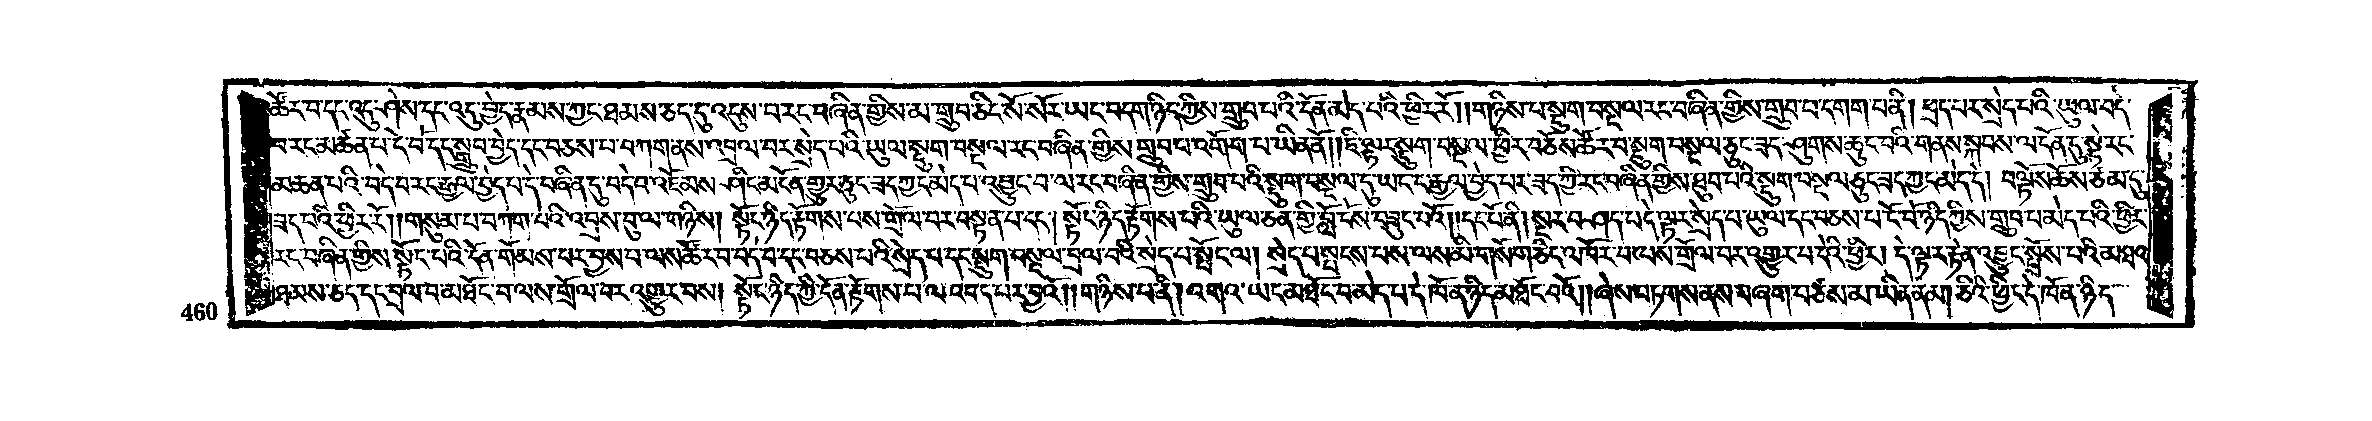ཚོར་བ་དང་འདུ་ཤེས་དང་འདུ་བྱེད་རྣམས་ཀྱང་ཐམས་ཅད་དུ་འདུས་པ་རང་བཞིན་གྱིས་མ་གྲུབ་ཅིང་སོ་སོར་ཡང་བདག་ཉིད་ཀྱིས་གྲུབ་པའི་དོན་མེད་པའི་ཕྱིར་རོ། །གཉིས་པ་སྡུག་བསྔལ་རང་བཞིན་གྱིས་གྲུབ་པ་དགག་པ་ནི། ཕྲད་པར་སྲེད་པའི་ཡུལ་བདེ་
བ་རང་མཚན་པ་དེ་བོ་དང་སྒྲུབ་བྱེད་དང་བཅས་པ་བཀག་ནས་འབྲལ་བར་སྲེད་པའི་ཡུལ་སྡུག་བསྔལ་རང་བཞིན་གྱིས་གྲུབ་པ་འགོག་པ་ཡིན་ནོ། །ཇི་ལྟར་སྡུག་བསྔལ་ཕྱིར་བཅོས་ཚོར་བ་སྡུག་བསྔལ་ཅུང་ཟད་ཤུགས་ཆུང་བའི་གནས་སྐབས་ལ་དོན་དུ་སྟེ་རང་
མཚན་པའི་བདེ་བ་རང་རྒྱལ་བྱེད་པ་དེ་བཞིན་དུ་བདེ་བ་འཇོམས་ཤིང་མངོན་གྱུར་ཅུང་ཟད་ཀྱང་མེད་པ་འབྱུང་བ་ལ་རང་བཞིན་གྱིས་གྲུབ་པའི་སྡུག་བསྔལ་དུ་ཡང་ང་རྒྱལ་བྱེད་པར་ཟད་ཀྱི་རང་བཞིན་གྱིས་ཐུབ་པའི་སྡུག་བསྔལ་ཅུང་ཟད་ཀྱང་མེད་དེ། བལྟོས་ཆོས་ཙམ་དུ་
ཟད་པའི་ཕྱིར་རོ། །གསུམ་པ་བཀག་པའི་འབྲས་བུ་ལ་གཉིས། སྟོང་ཉིད་རྟོགས་པས་གྲོལ་བར་བསྟན་པ་དང་། སྟོང་ཉིད་རྟོགས་པའི་ཡུལ་ཅན་གྱི་བློ་ངོས་བཟུང་བའོ། །དང་པོ་ནི། སྔར་བཤད་པ་དེ་ལྟར་སྲེད་པ་ཡུལ་དང་བཅས་པ་ངོ་བོ་ཉིད་ཀྱིས་གྲུབ་པ་མེད་པའི་ཕྱིར་
རང་བཞིན་གྱིས་སྟོང་པའི་དོན་གོམས་པར་བྱས་པ་ལས་ཚོར་བ་བདེ་བ་དང་བཅས་པའི་སྲེད་པ་དང་སྡུག་བསྔལ་བྲལ་བའི་སྲེད་པ་སྤོང་ལ། སྲེད་པ་སྤངས་པས་ལས་མི་གསོག་ཅིང་འཁོར་བ་ལས་གྲོལ་བར་འགྱུར་བ་དེའི་ཕྱིར། དེ་ལྟར་རྟེན་འབྱུང་སྤྲོས་པའི་མཐའ་
ཐམས་ཅད་དང་བྲལ་བ་མཐོང་བ་ལས་གྲོལ་བར་འགྱུར་བས། སྟོང་ཉིད་ཀྱི་དོན་རྟོགས་པ་ལ་འབད་པར་བྱའོ། །གཉིས་པ་ནི། འགའ་ཡང་མཐོང་བ་མེད་པ་དེ་ཁོ་ན་ཉིད་མཐོང་བའོ། །ཞེས་བཏགས་ནས་བཞག་པ་ཙམ་མ་ཡིན་ནམ། ཅིའི་ཕྱིར་དེ་ཁོ་ན་ཉིད་